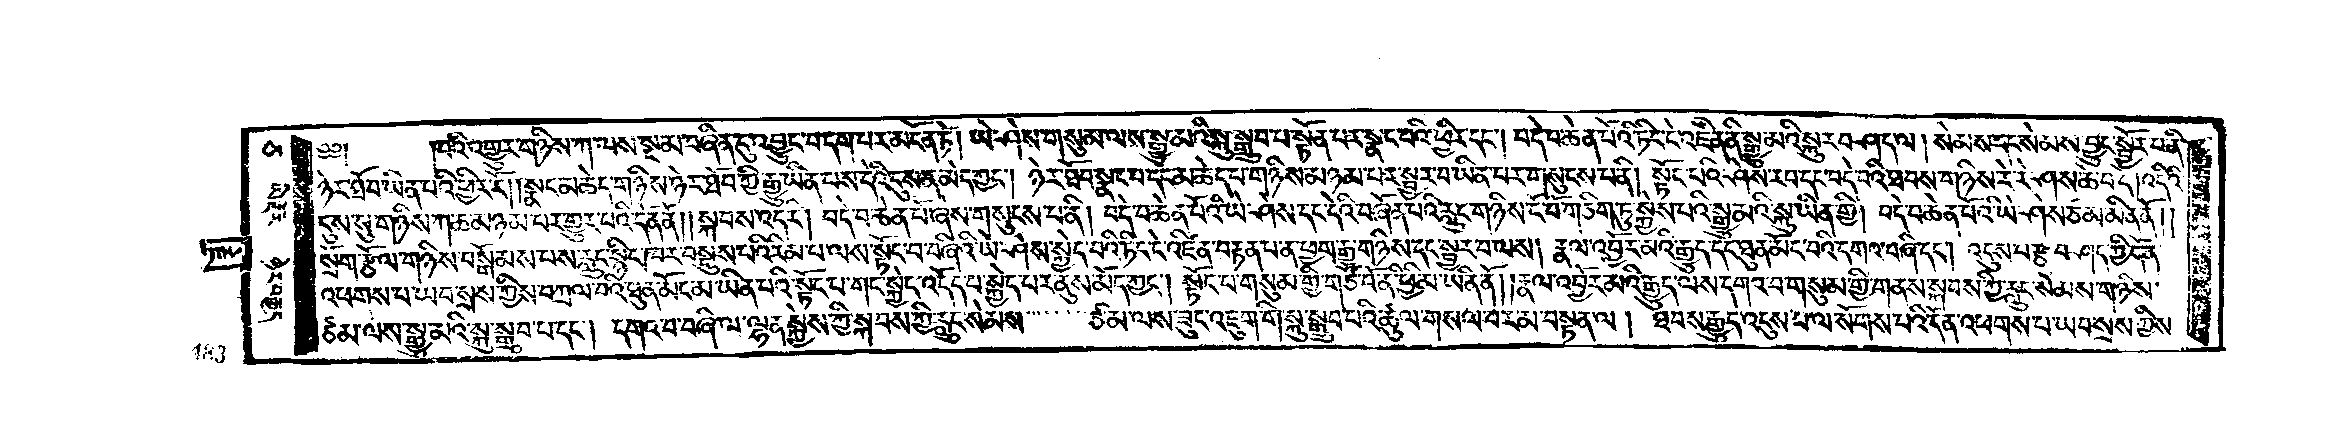༄༅། །བའི་འགྱུར་གཉིས་ཀ་ལས་སྔ་མ་བཞིན་དུ་འབྱུང་བ་དག་པར་མངོན་ཏེ། ཡེ་ཤེས་གསུམ་ལས་སྒྱུ་མའི་སྐུ་སྒྲུབ་པ་སྟོན་པར་སྣང་བའི་ཕྱིར་དང་། བདེ་བ་ཆེན་པོའི་ཏིང་ངེ་འཛིན་ནི་སྒྱུ་མའི་སྐུར་བཤད་ལ། སེམས་དང་སེམས་བྱུང་སྦྱོར་བ་ནི་
ཉེར་ཐོབ་ཡིན་པའི་ཕྱིར་རོ། །སྣང་མཆེད་གཉིས་ཉེར་ཐོབ་ཀྱི་རྒྱུ་ཡིན་པས་དེའི་དུས་ན་མེད་ཀྱང་། ཉེར་ཐོབ་སྣང་བ་དང་མཆེད་པ་གཉིས་མཉམ་པར་སྦྱར་བ་ཡིན་པར་གསུངས་པ་ནི། སྟོང་པའི་ཤེས་རབ་དང་བདེ་བའི་ཐབས་གཉིས་རེ་རེ་ཤས་ཆེ་བ་དེ། འདིའི་
དུས་སུ་གཉིས་ཀ་ཆ་མཉམ་པར་གྱུར་པའི་དོན་ནོ། །སྐབས་འདིར། བདེ་བ་ཆེན་པོ་ཞེས་གསུངས་པ་ནི། བདེ་བ་ཆེན་པོའི་ཡེ་ཤེས་དང་དེའི་བཞོན་པའི་རླུང་གཉིས་ངོ་བོ་གཅིག་ཏུ་སྐྱེས་པའི་སྒྱུ་མའི་སྐུ་ཡིན་གྱི། བདེ་བ་ཆེན་པོའི་ཡེ་ཤེས་ཙམ་མིན་ནོ། །
སྲོག་རྩོལ་གཉིས་བསྒོམས་པས་རླུང་སྙིང་ཁར་བསྡུས་པའི་རིམ་པ་ལས་སྟོང་པ་བཞིའི་ཡེ་ཤེས་སྐྱེད་པའི་ཏིང་ངེ་འཛིན་བརྟན་པ་ན་ཕྱག་རྒྱ་གཉིས་དང་སྦྱར་བ་ལས། རྣལ་འབྱོར་མའི་རྒྱུད་དང་ཐུན་མོང་བའི་དགའ་བཞི་དང་། འདུས་པ་རྩ་བཤད་ཀྱི་དོན་
འཕགས་པ་ཡབ་སྲས་ཀྱིས་བཀྲལ་བའི་ཐུན་མོང་མ་ཡིན་པའི་སྟོང་པ་གང་སྐྱེད་འདོད་པ་སྐྱེད་པར་ནུས་མོད་ཀྱང་། སྟོང་པ་གསུམ་གྱི་གཙོ་བོ་ནི་ཕྱི་མ་ཡིན་ནོ། །རྣལ་འབྱོར་མའི་རྒྱུད་ལས་དགའ་བ་གསུམ་གྱི་གནས་སྐབས་ཀྱི་རླུང་སེམས་གཉིས་
ཙམ་ལས་སྒྱུ་མའི་སྐུ་སྒྲུབ་པ་དང་། དགའ་བ་བཞི་ལ་ལྷན་སྐྱེས་ཀྱི་སྐབས་ཀྱི་རླུང་སེམས་ཙམ་ལས་ཟུང་འཇུག་གི་སྐུ་སྒྲུབ་པའི་ཚུལ་གསལ་བར་མ་བསྟན་ལ། ཐབས་རྒྱུད་འདུས་པ་ལ་སོགས་པའི་དོན་འཕགས་པ་ཡབ་སྲས་ཀྱིས་